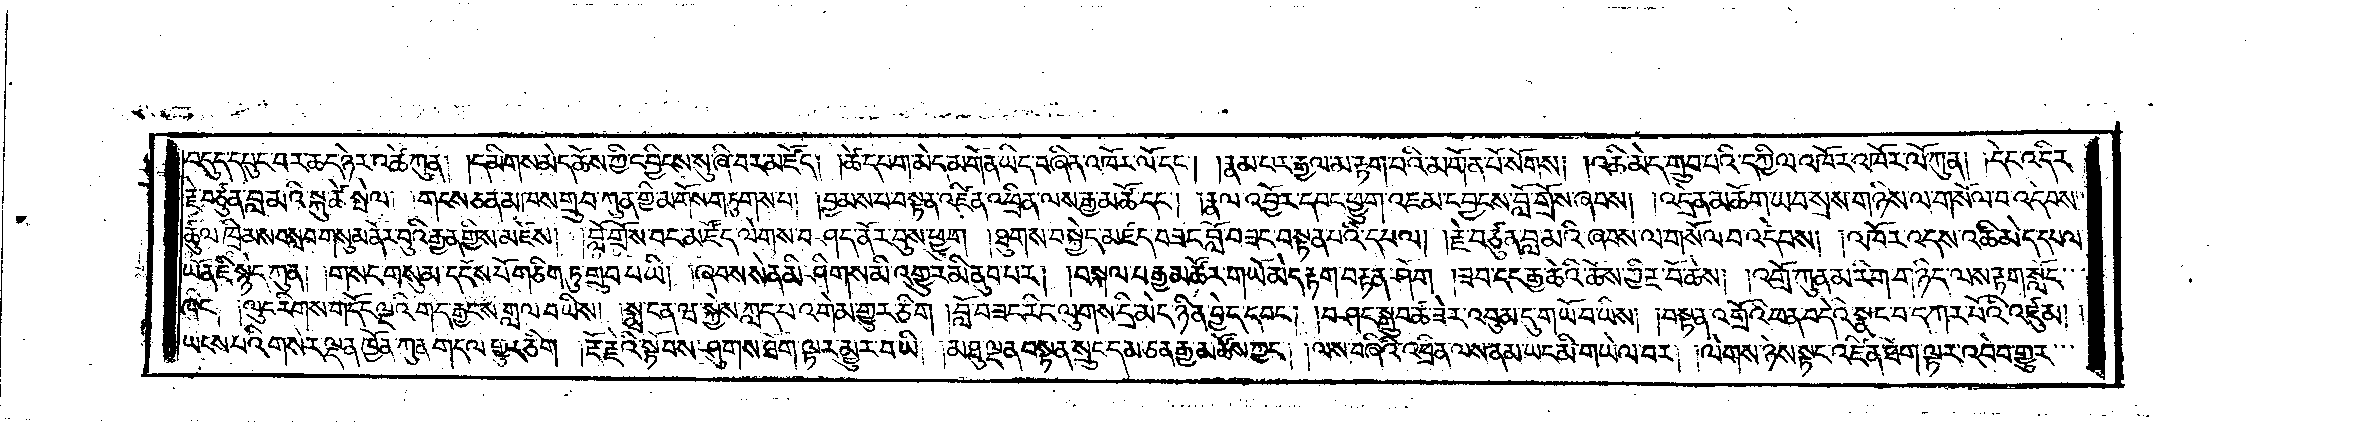བདུད་དཔུང་བར་ཆད་ཉེར་འཚེ་ཀུན། །དམིགས་མེད་ཆོས་ཀྱི་དབྱིངས་སུ་ཞི་བར་མཛོད་།ཚེ་དཔག་མེད་མགོན་ཡིད་བཞིན་འཁོར་ལོ་དང་། །རྣམ་པར་རྒྱལ་མ་རྟག་པའི་མགོན་པོ་སོགས། །འཆི་མེད་གྲུབ་པའི་དཀྱིལ་འཁོར་འཁོར་ལོ་ཀུན། །དེང་འདིར་
རྗེ་བཙུན་བླ་མའི་སྐུ་ཚེ་སྤེལ། །གངས་ཅན་མཁས་གྲུབ་ཀུན་གྱི་མགོས་གཏུགས་པ། །བྱམས་པ་བསྟན་འཛིན་འཕྲིན་ལས་རྒྱ་མཚོ་དང་། །རྣལ་འབྱོར་དབང་ཕྱུག་འཇམ་དབྱངས་བློ་གྲོས་ཞབས། །འདྲེན་མཆོག་ཡབ་སྲས་གཉིས་ལ་གསོལ་བ་འདེབས།།
ཚུལ་ཁྲིམས་བསླབ་གསུམ་ནོར་བུའི་རྒྱན་གྱིས་མཛེས། །བློ་གྲོས་བང་མཛོད་ལེགས་བཤད་ནོར་བུས་ཕྱུག །ཐུགས་བསྐྱེད་མཛད་བཟང་བློ་བཟང་བསྟན་པའི་དཔལ། །རྗེ་བཙུན་བླ་མའི་ཞབས་ལ་གསོལ་བ་འདེབས། །འཁོར་འདས་འཆི་མེད་དཔལ་
ཡོན་ཇི་སྙེད་ཀུན། །གསང་གསུམ་དངོས་པོ་གཅིག་ཏུ་གྲུབ་པ་ཡི། །ཞབས་སེན་མི་ཤིགས་མི་འགྱུར་མི་ནུབ་པར། །བསྐལ་པ་རྒྱ་མཚོར་གཡོ་མེད་རྟག་བརྟན་ཤོག །ཟབ་དང་རྒྱ་ཆེའི་ཆོས་ཀྱི་རྔ་བོ་ཆེས། །འགྲོ་ཀུན་མ་རིག་གཉིད་ལས་རྟག་སློང་
ཞིང༑ ༑ལུང་རིགས་གདོང་ལྔའི་གད་རྒྱངས་གླལ་བ་ཡིས། །སྨྲ་ངན་ཝ་སྐྱེས་ཀླད་པ་འགེམ་གྱུར་ཅིག །བློ་བཟང་རིང་ལུགས་དྲི་མེད་ཉིན་བྱེད་དབང་། །བཤད་སྒྲུབ་ཚ་ཟེར་འབུམ་དུ་གཡོ་བ་ཡིས། །བསྟན་འགྲོའི་ཕན་བདེའི་སྣང་བ་དཀར་བོའི་འཛུམ། །
ཡངས་པའི་གསེར་ལྡན་ཁྱོན་ཀུན་གདལ་གྱུར་ཅིག །རྡོ་རྗེའི་སྟོབས་ཤུགས་ཐོག་ལྟར་མྱུར་བ་ཡི། །མཐུ་ལྡན་བསྟན་སྲུང་དམ་ཅན་རྒྱ་མཚོས་ཀྱང་། །ལས་བཞིའི་འཕྲིན་ལས་ནམ་ཡང་མི་གཡེལ་བར། །ལེགས་ཉེས་སྟང་འཛིན་ཐོག་ལྟར་འབེབ་གྱུར་